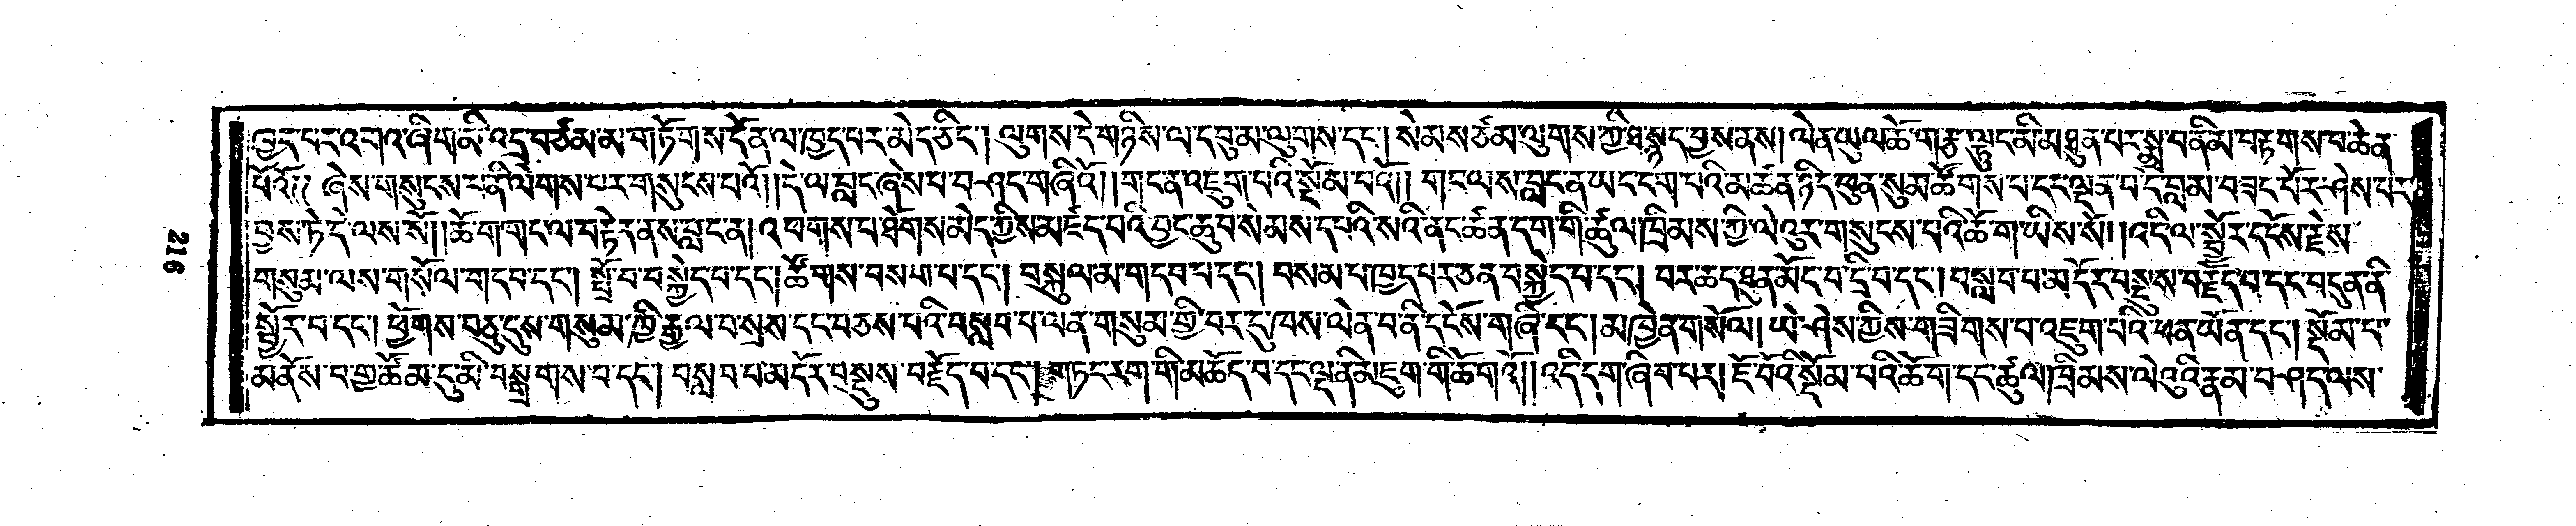ཁྱད་པར་འགའ་ཞིག་མི་འདྲ་བ་ཙམ་མ་གཏོགས་དོན་ལ་ཁྱད་པར་མེད་ཅིང་། ལུགས་དེ་གཉིས་ལ་དབུ་མ་ལུགས་དང་། སེམས་ཙམ་ལུགས་ཀྱི་ཐ་སྙད་བྱས་ནས། ལེན་ཡུལ་ཆོ་ག་རྩ་ལྟུང་མི་མཐུན་པར་སྨྲ་བ་ནི་མ་བརྟགས་པ་ཆེན་
པོའོ། །ཞེས་གསུངས་པ་ནི་ལེགས་པར་གསུངས་པའོ། །དེ་ལ་བླང་ཞེས་པ་བཤད་གཞིའོ། །གང་ན་འཇུག་པའི་སྡོམ་པའོ། །གང་ལས་བླང་ན་ཡང་དག་པའི་མཚན་ཉིད་ཕུན་སུམ་ཚོགས་པ་དང་ལྡན་པ་དེ་བླ་མ་བཟང་པོར་ཤེས་པར་
བྱས་ཏེ་དེ་ལས་སོ། །ཆོ་ག་གང་ལ་བརྟེན་ནས་བླང་ན། འཕགས་པ་ཐོགས་མེད་ཀྱིས་མཛད་པའི་བྱང་ཆུབ་སེམས་དཔའི་སའི་ནང་ཚན་དག་གི་ཚུལ་ཁྲིམས་ཀྱི་ལེའུར་གསུངས་པའི་ཆོ་ག་ཡིས་སོ། །འདི་ལ་སྦྱོར་དངོས་རྗེས་
གསུམ་ལས་གསོལ་གདབ་དང་། སྤྲོ་བ་བསྐྱེད་པ་དང་། ཚོགས་བསག་པ་དང་། བསྐུལ་མ་གདབ་པ་དང་། བསམ་པ་ཁྱད་པར་ཅན་བསྐྱེད་པ་དང་། བར་ཆད་ཐུན་མོང་བ་དྲི་བ་དང་། བསླབ་པ་མདོར་བསྡུས་བརྗོད་པ་དང་བདུན་ནི་
སྦྱོར་བ་དང་། ཕྱོགས་བཅུ་དུས་གསུམ་གྱི་རྒྱལ་བ་སྲས་དང་བཅས་པའི་བསླབ་པ་ལན་གསུམ་གྱི་བར་དུ་ཁས་ལེན་པ་ནི་དངོས་གཞི་དང་། མཁྱེན་གསོལ། ཡེ་ཤེས་ཀྱིས་གཟིགས་པ་འཇུག་པའི་ཕན་ཡོན་དང་། སྡོམ་པ་
མནོས་པ་གྱ་ཚོམ་དུ་མི་བསྒྲགས་པ་དང་། བསླབ་པ་མདོར་བསྡུས་བརྗོད་པ་དང་། གཏང་རག་གི་མཆོད་པ་དང་ལྔ་ནི་མཇུག་གི་ཆོ་གའོ། །འདི་དག་ཞིབ་པར། ཇོ་བོའི་སྡོམ་པའི་ཆོ་ག་དང་ཚུལ་ཁྲིམས་ལེའུའི་རྣམ་བཤད་ལས་